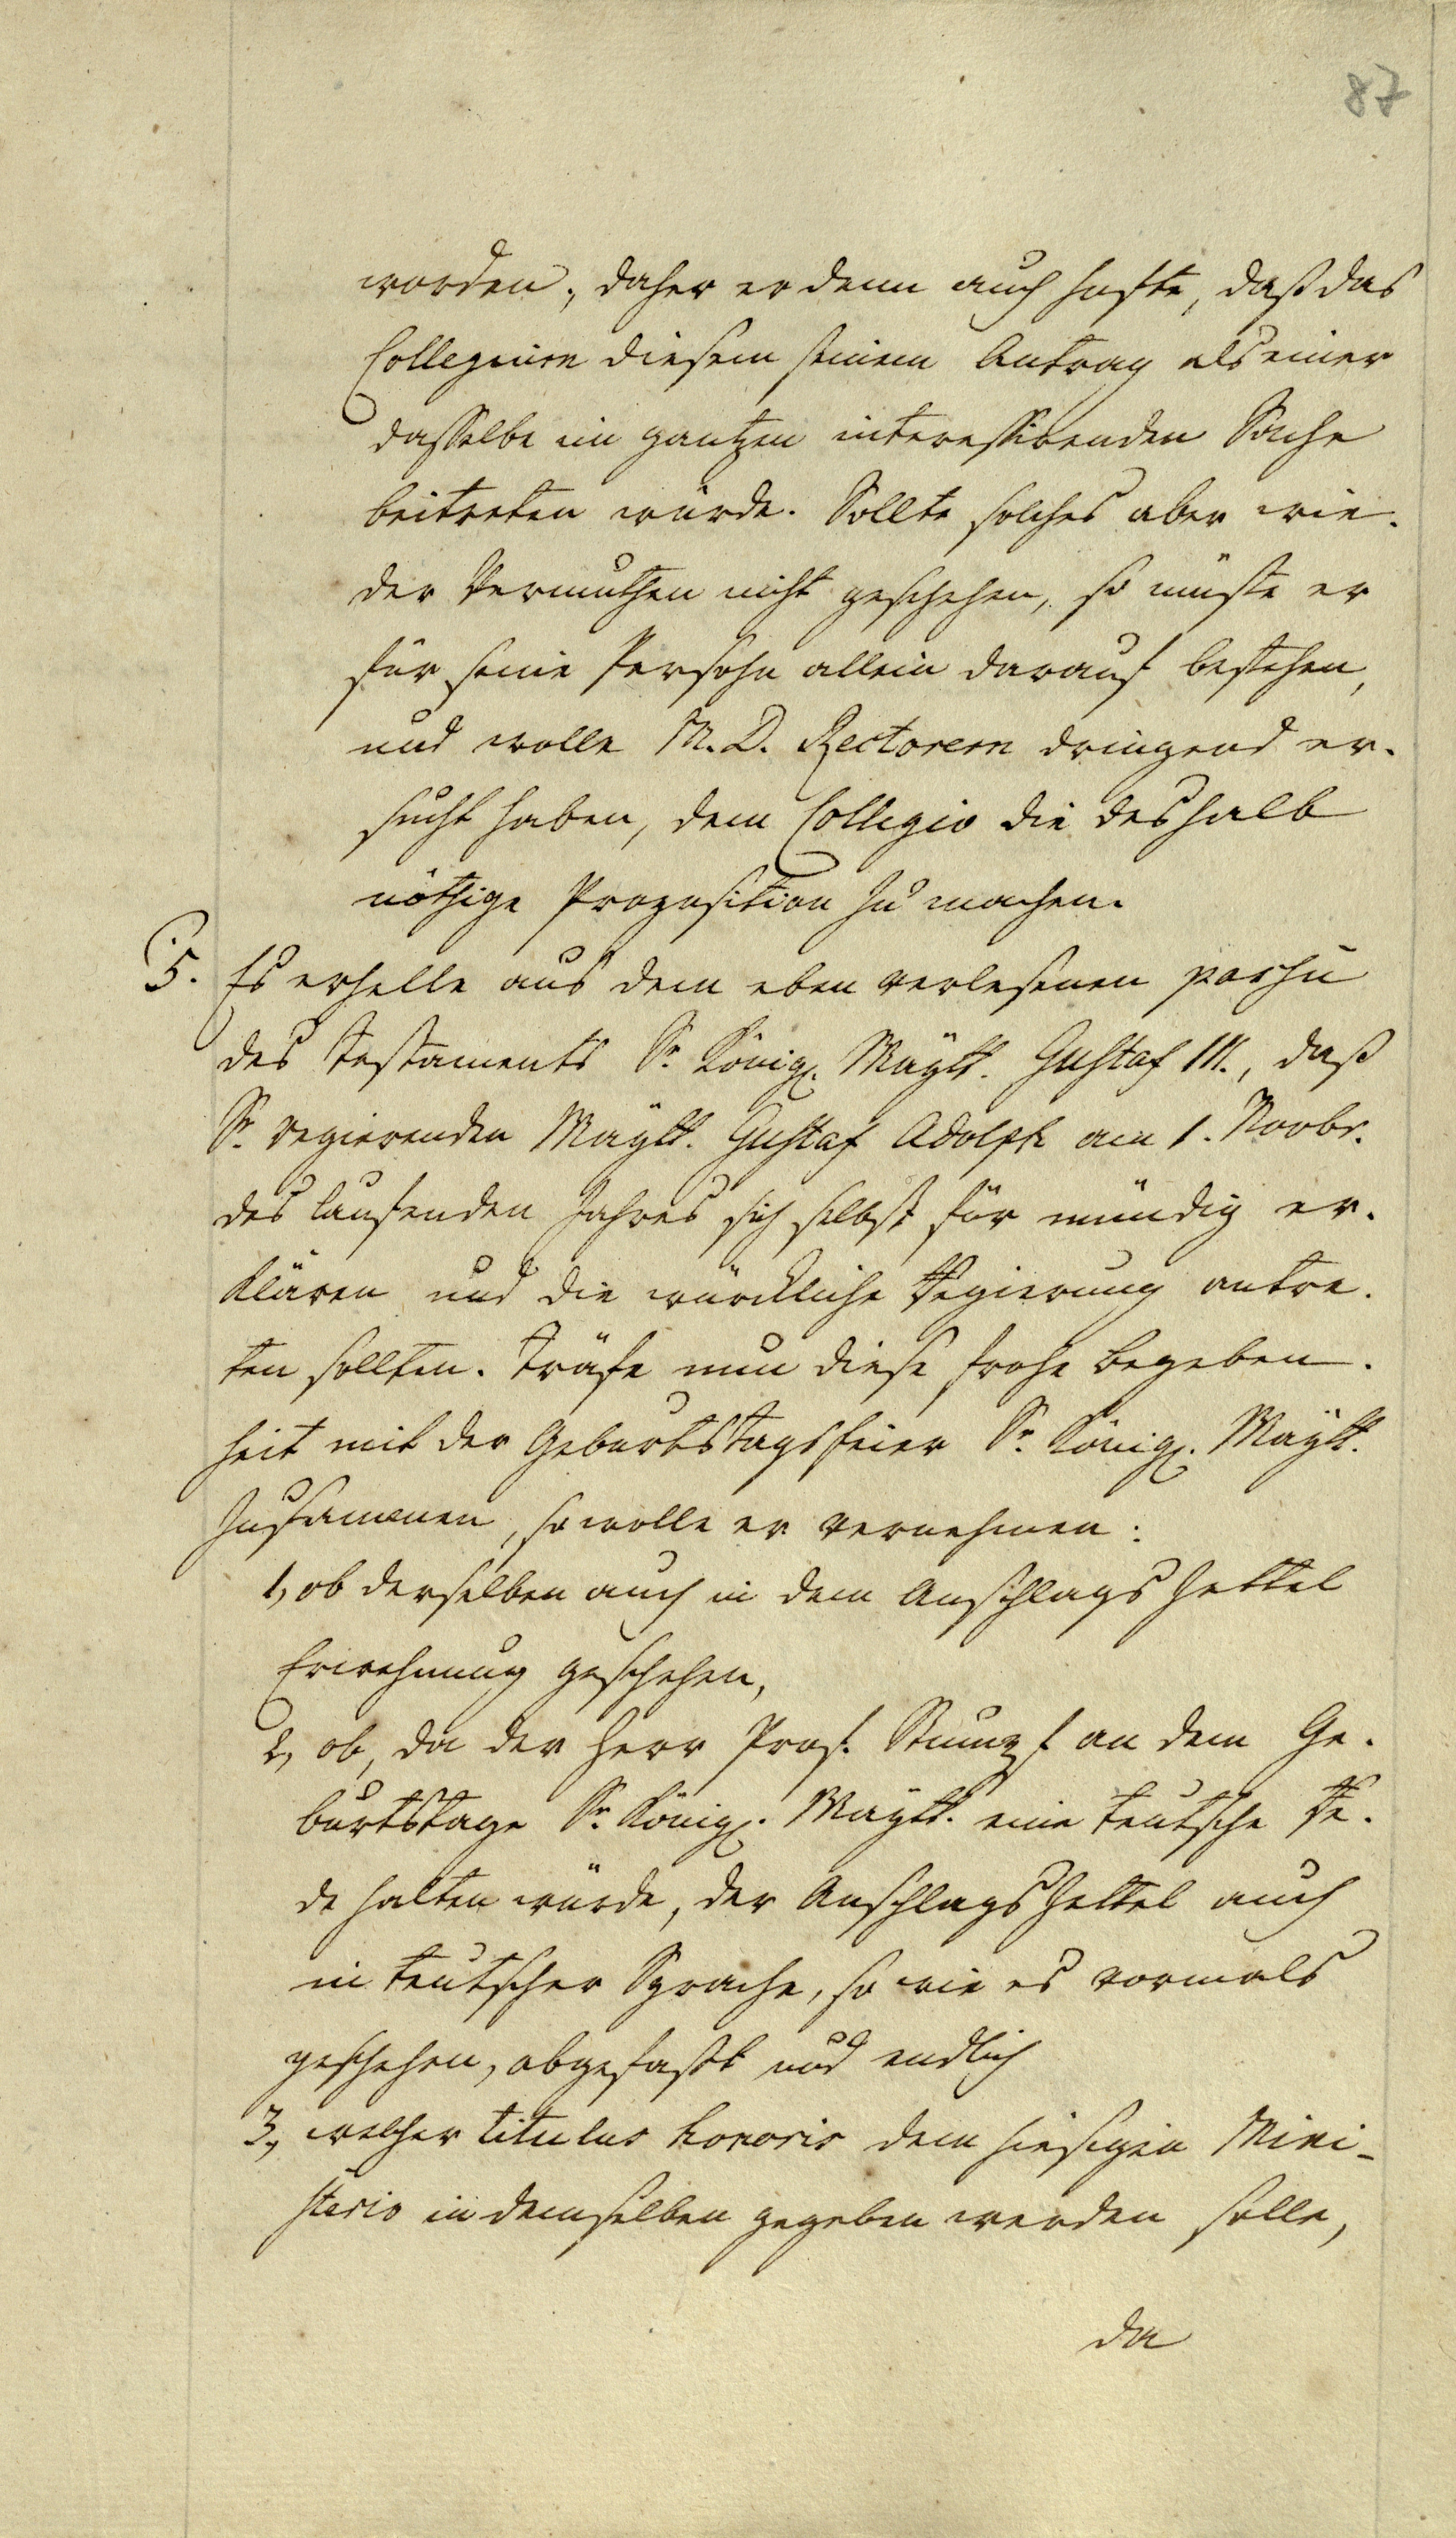worden; daher er denn auch hofte, daß das
Collegium diesem seinem Antrag als einer
dasselbe in gantzen interessirenden Sache
beitreten würde. Sollte solches aber wie¬
der Vermuthen nicht geschehen, so müßte er
für seine Persohn allein darauf bestehen,
und wolle M. D. Rectorem dringend er¬
sucht haben, dem Collegio die deshalb
nöthige Proposition zu machen.
5. Es erhelle aus dem eben verlesenen passu
des Testamenmts Sr Königl. Maÿtt. Gustaf III., daß
Sr. regierenden Maÿtt. Gustaf Adolph am 1. Novbr.
des laufenden Jahres sich selbst für mündig er¬
klären und die würckliche Regierung antre¬
ten sollten. Träfe nun diese frohe Begeben¬
heit mit der Geburtsagsfeier Sr. Königl. Maÿtt.
zusammen, so wolle er vernehmen:
1, ob derselben auch in dem Anschlags Zettel
Erwehnung geschehen,
2, ob, da der Herr Prof. Stumpf an dem Ge¬
burtstage Sr Königl. Maÿtt. eine teutsche Re¬
de halten würde, der Anschlags Zettel auch
in teutscher Sprache, so wie es vormals
geschehen, abgefaßt und endlich
3., welcher titulus honoris dem hiesigen Mini¬
sterio in demselben gegeben werden solle,
da